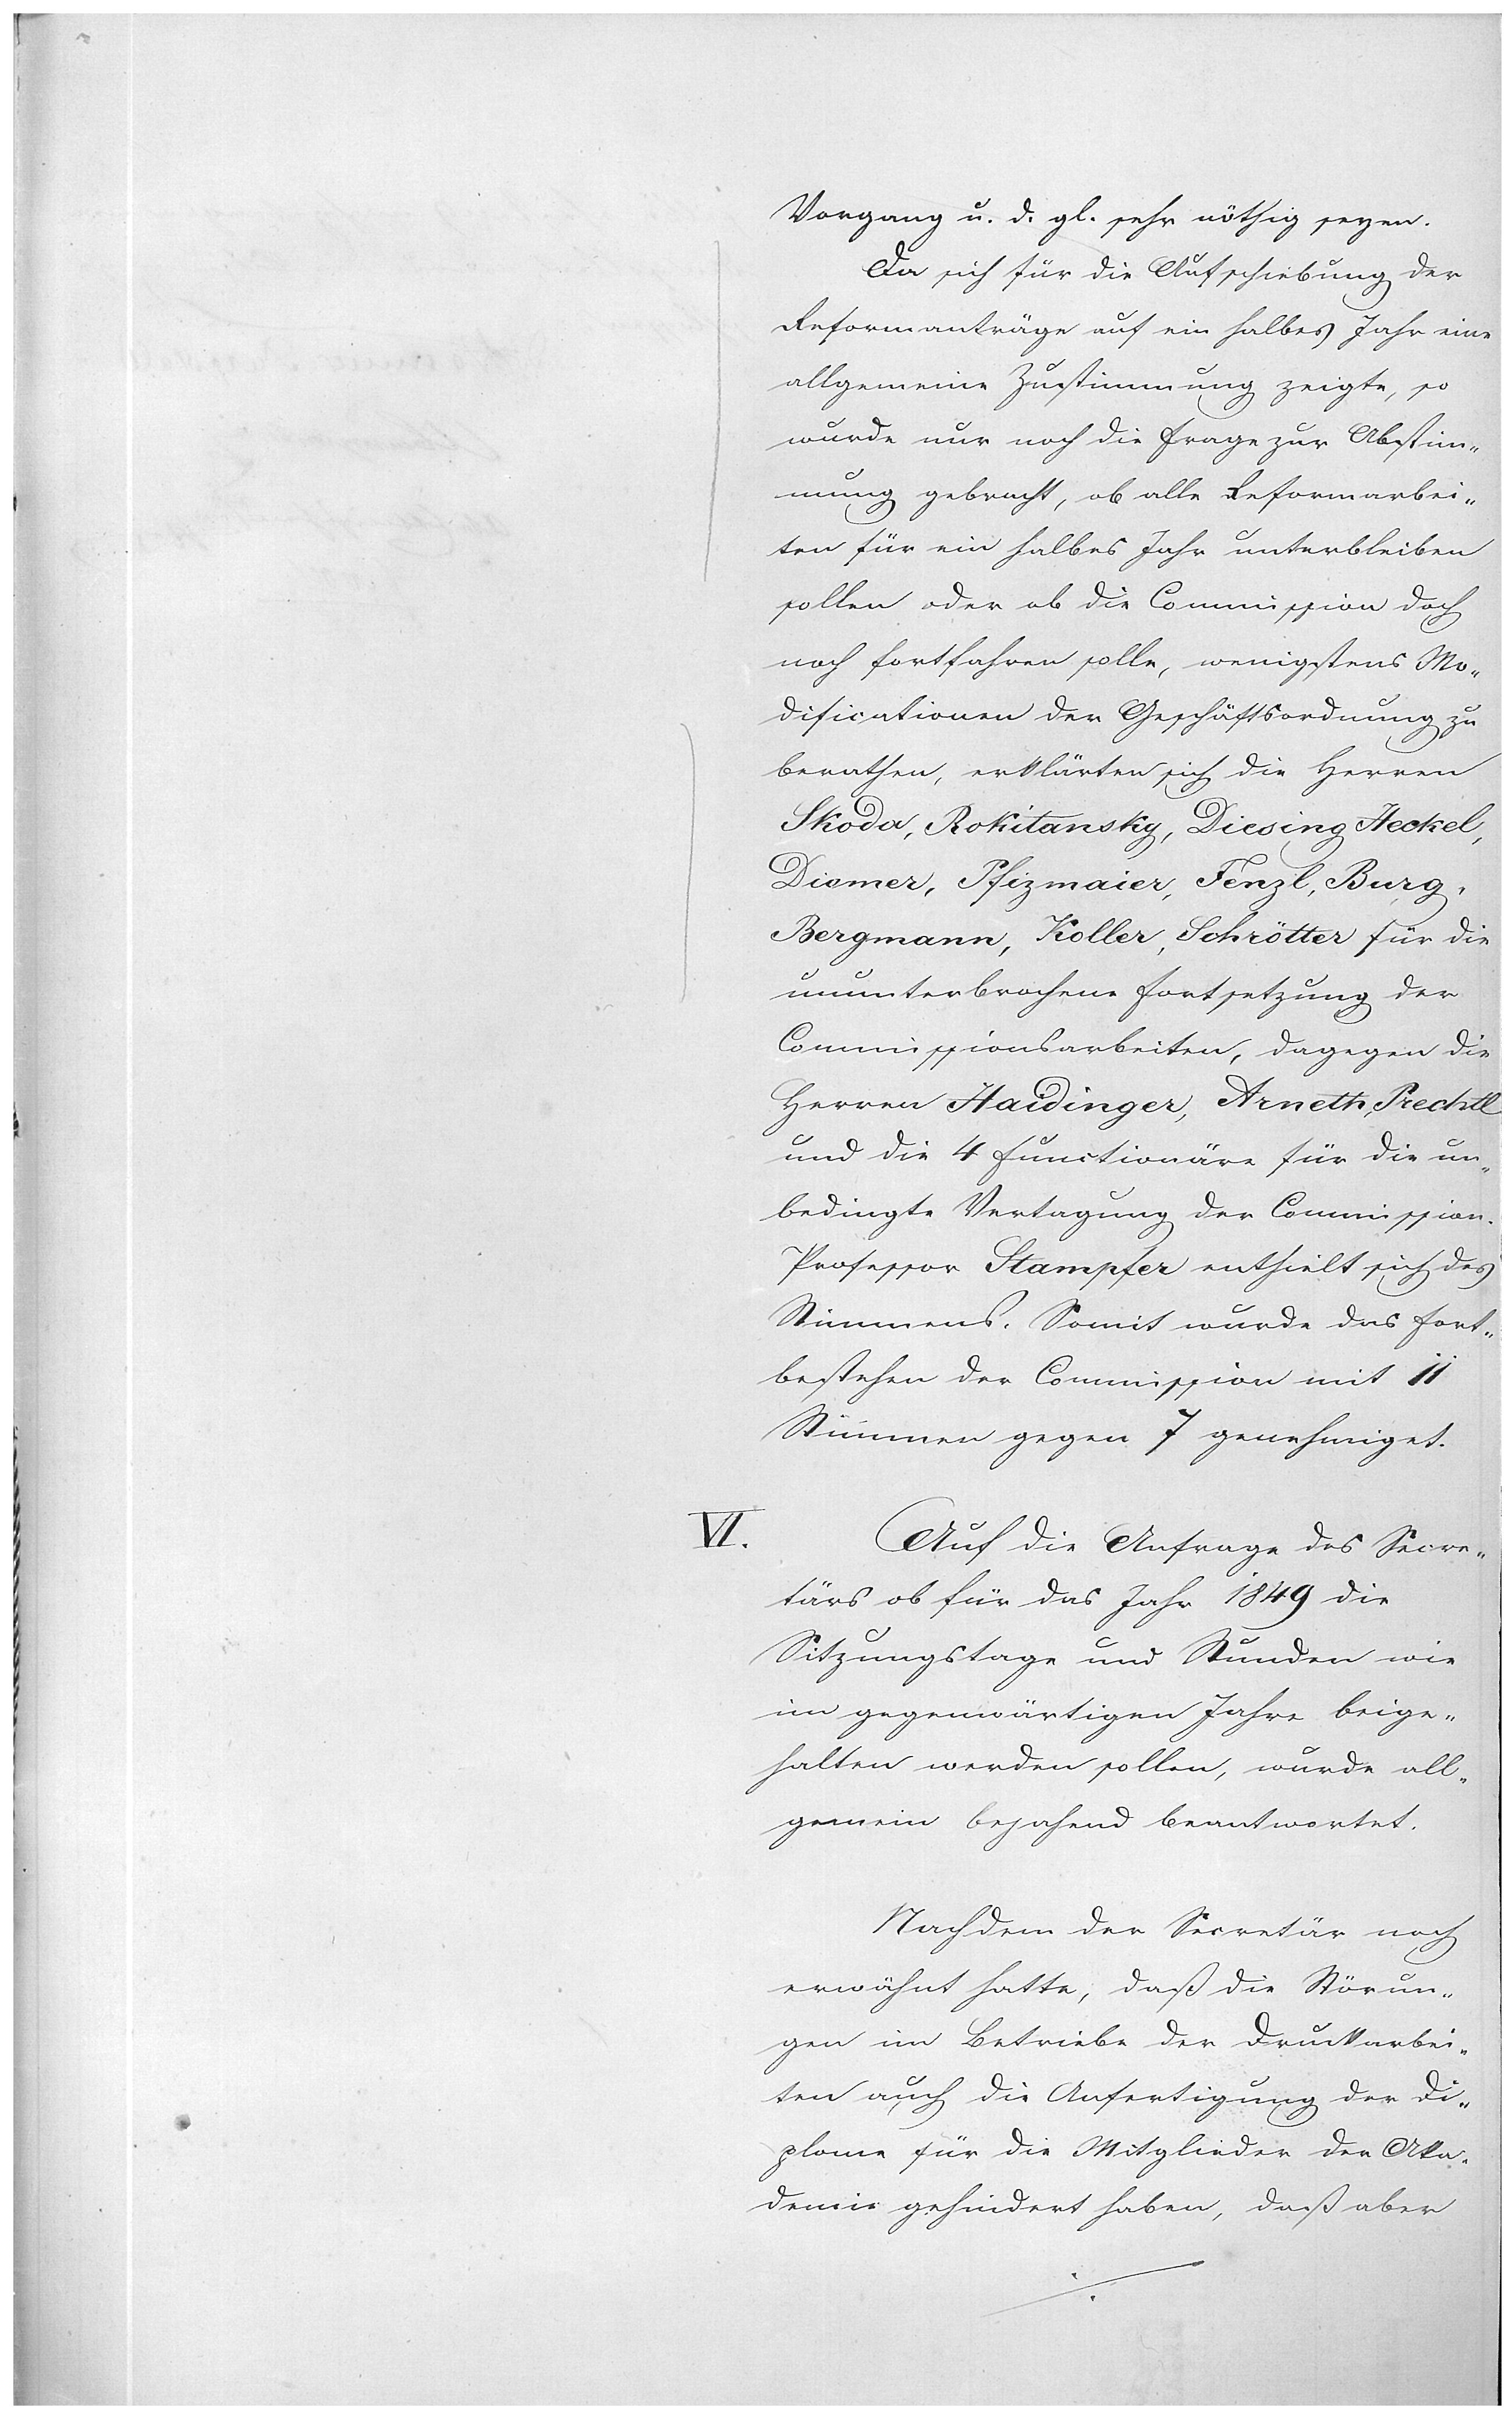Vorgang u. d. gl. nöthig seyen.
Da sich für der Aufschiebung der
Reformanträge auf ein halbes Jahr eine
allgemeine Zustimmung zeigte, so
würde nur noch die Frage zur Abstim-
mung gebracht, ob alle Reformarbei-
ten für ein halbe Jahr unterbleiben
sollen oder ob die Commission doch
noch fortfahren solle, wenigstens Mo-
dificationen der Geschäftsordnung zu
berathen, erklärten sich die Herren
Skoda, Rokitansky, Diesing, Heckel,
Diemer, Pfizmaier, Fenzl, Burg,
Bergmann, Koller, Schrötter für die
unterbrochene Fortsetzung der
Commissionsarbeiten, dagegen die
Herren Haidinger, Arneth, Prechtl
und die 4 Functionäre für die un-
bedingte Vertagung der Commission.
Professor Stampfer enthielt sich des
Stimmens. Somit wurde das Fort-
bestehen der Commission mit 11
Stimmen gegen 7 genehmiget.
Auf die Anfrage des Secre-
tärs ob für das Jahr 1849 die
Sitzungstage und Stunden wie
in gegenwärtigen Jahre beige-
halten werden sollen, wurde all-
gemein bejahend beantwortet.
VI.
Nachdem der Secretär noch
erwähnt hatte, daß die Störun-
gen im Betriebe die Druckarbei-
ten auch die Anfertigung der Di-
plome für die Mitglieder der Aka-
demie gehindert haben, daß aber